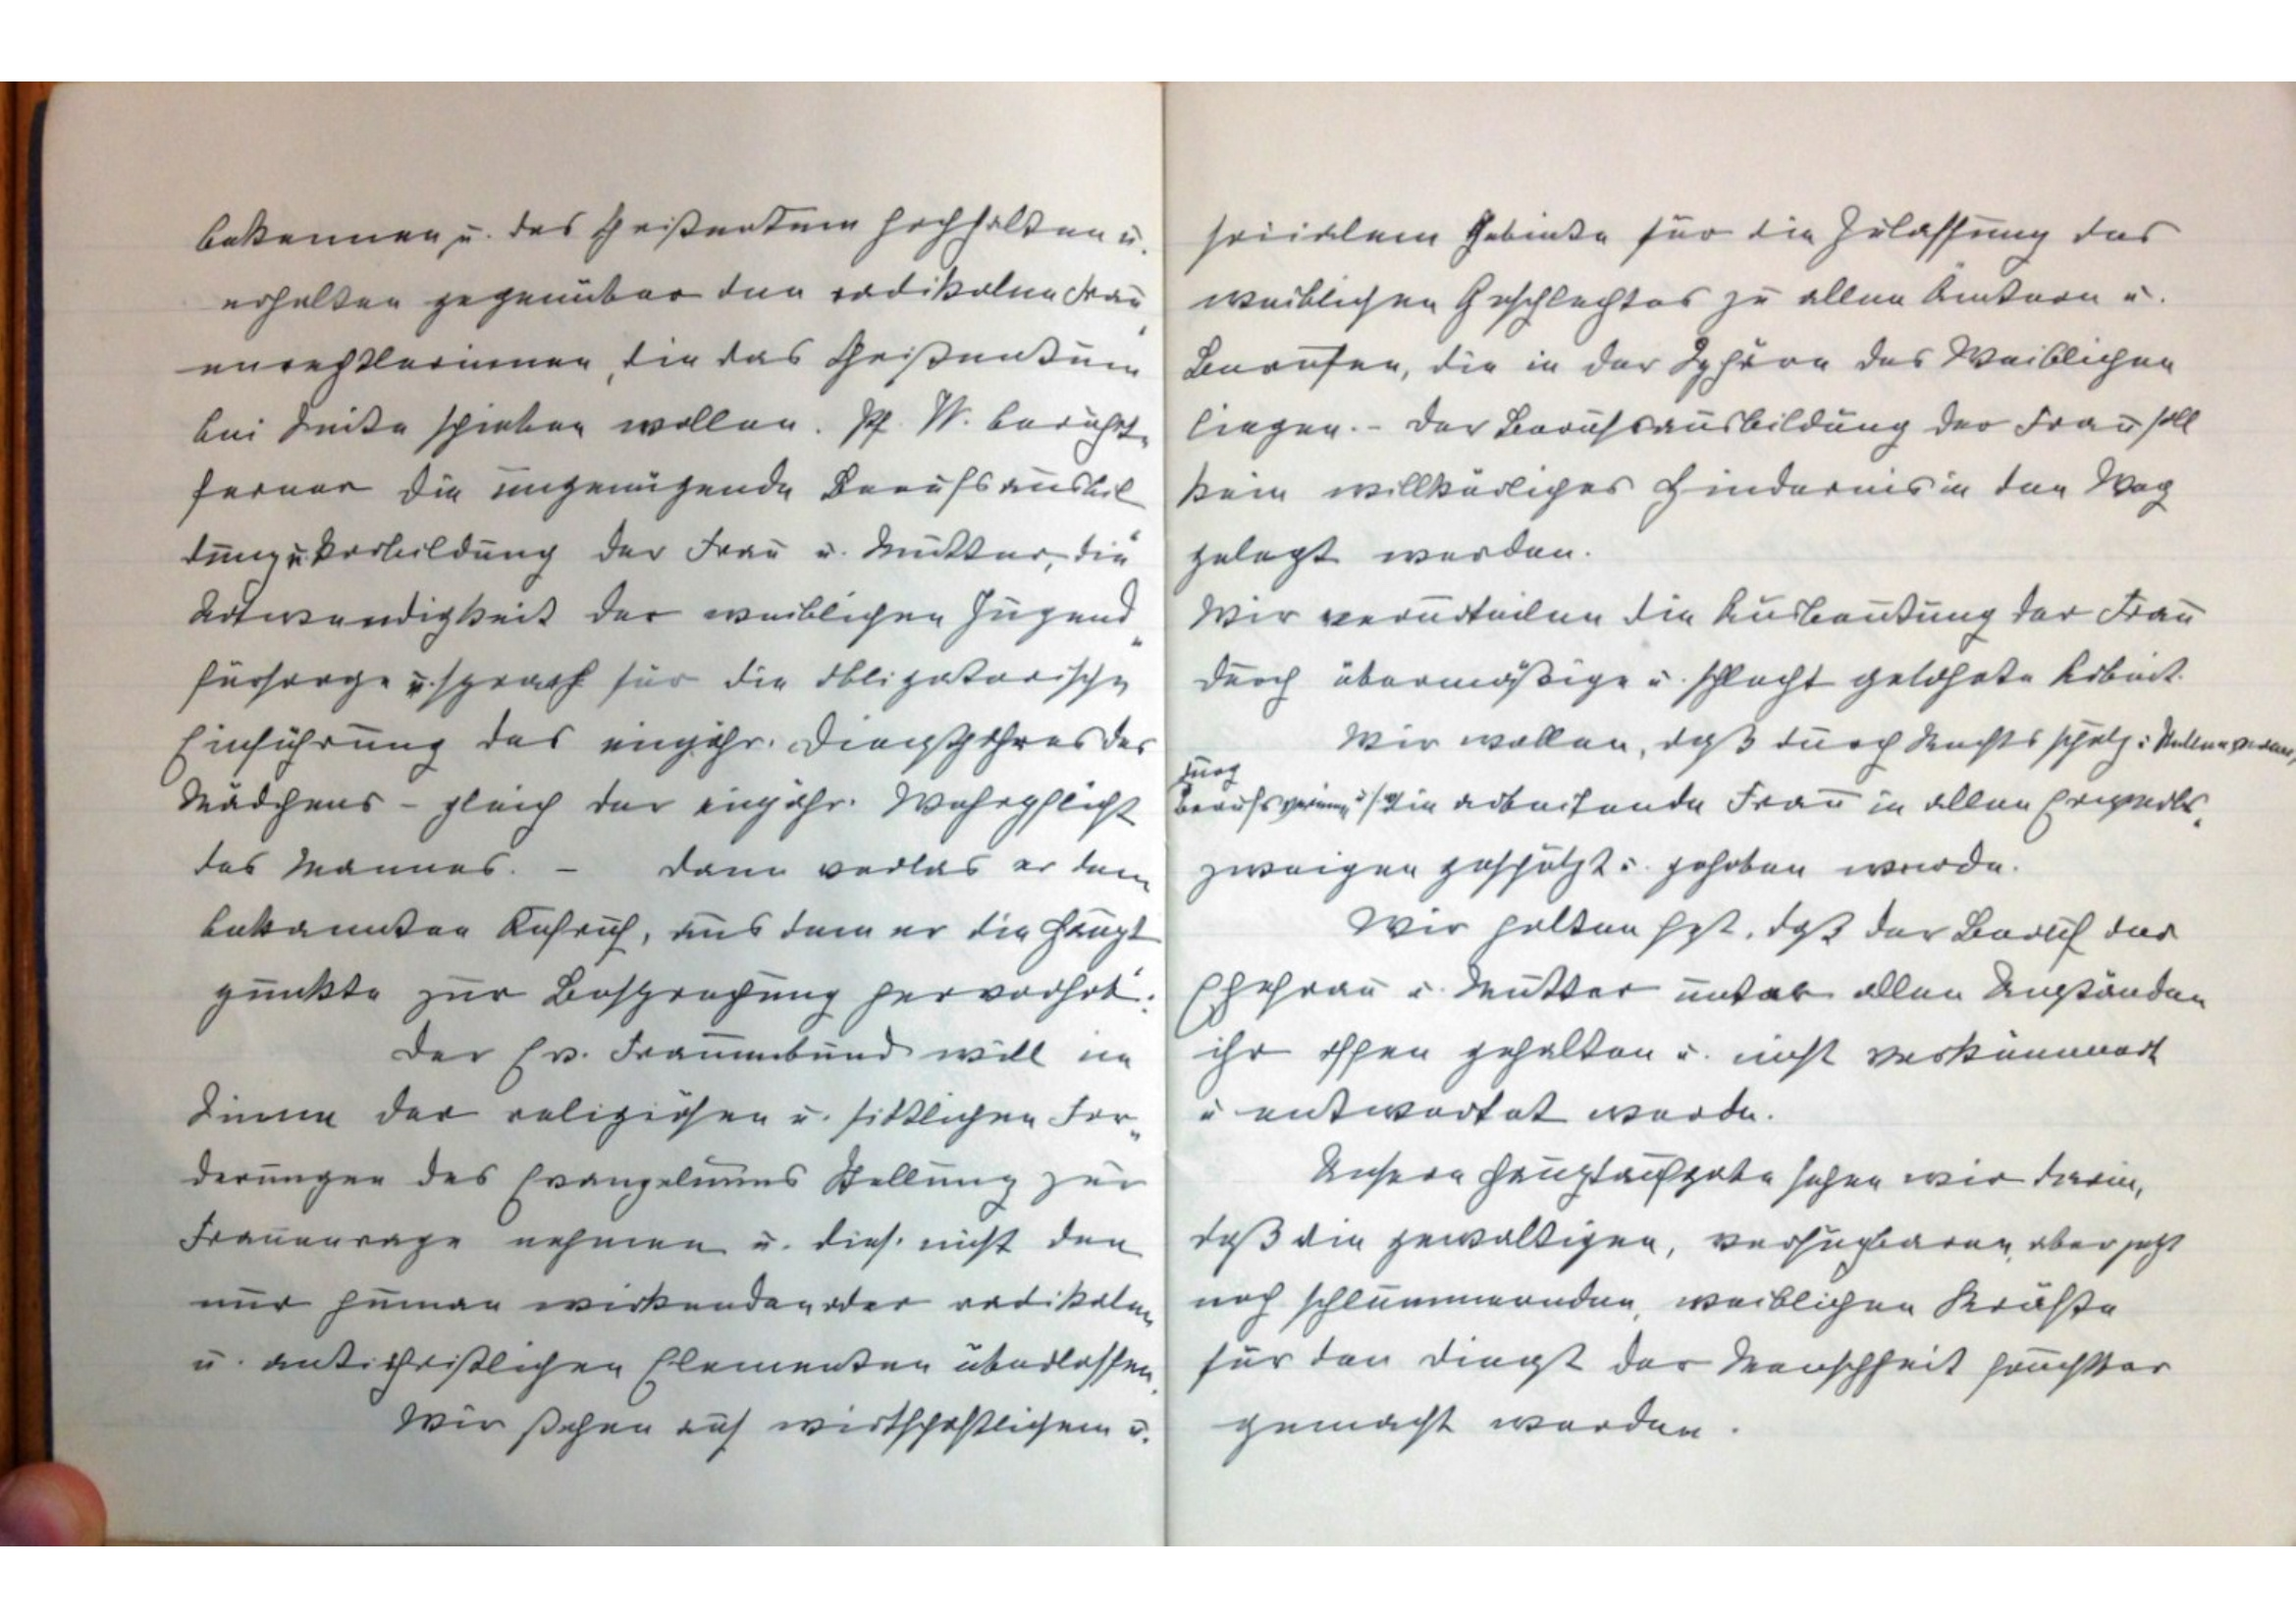bekennen u. das Christentum hochhalten u.
erhalten gegenüber den radikalen Frauen
Frauenrechtlerinnen, die das Christentum
bei Seite schieben wollen. Pf. W. berührte
ferner die ungenügende Berufsausbil
dung u. Vorbildung der Frau u. Mutter, die
die Notwendigkeit der weiblichen Jugend
fürsorge u. sprach für die obligatorische
Einführung des einjähr. Dienstjahres des
Mädchens gleich der einjähr. Wehrpflicht
der Männer
-
dann verlas er den
bekannten Aufruf, aus dem er die Haupt
punkte zur Besprechung hervorhob:
Der Ev. Frauenbund will im
Sinne der religiösen u. sittlichen For
derungen des Evangeliums Haltung zur
Frauenfrage nehmen u. dies nicht den
nur human wirkenden aber radikalen
u. antichristlichen Elementen überlassen.
Wie stehen auf wirtschaftlichem u.
soîialen Gebiete für die Zulassung des
weiblichen Geschlechts zu allen Ämtern u.
Berufen, die in der Spähre des Weiblichen
liegen. Der Berufsausbildung der Frau soll
kein willkürliches Hindernis in den Weg
gelegt werden.
Wir verurteilen die Ausbeutung der Frau
durch übermäßige u. schlecht gelohte Arbeit.
Wir wollen, daß durch Rechtsschutz: Modernisier
ung
Berufsvereinigungen % die arbeitende Frau in allen Erwerbs
zweigen geschützt u. gehoben werde.
Wir halten fest, daß der Beruf der
Ehefrau u. Mutter unter allen Umständen
ihr offen gehalten u. nicht verkümmert
u. entwertet werde.
Unsere Hauptaufgabe sehen wir darin,
daß die gewaltigen, verfügbaren aber jetzt
noch schlummernden weiblichen Kräfte
für den Dienst der Menschheit fruchtbar
gemacht werden.